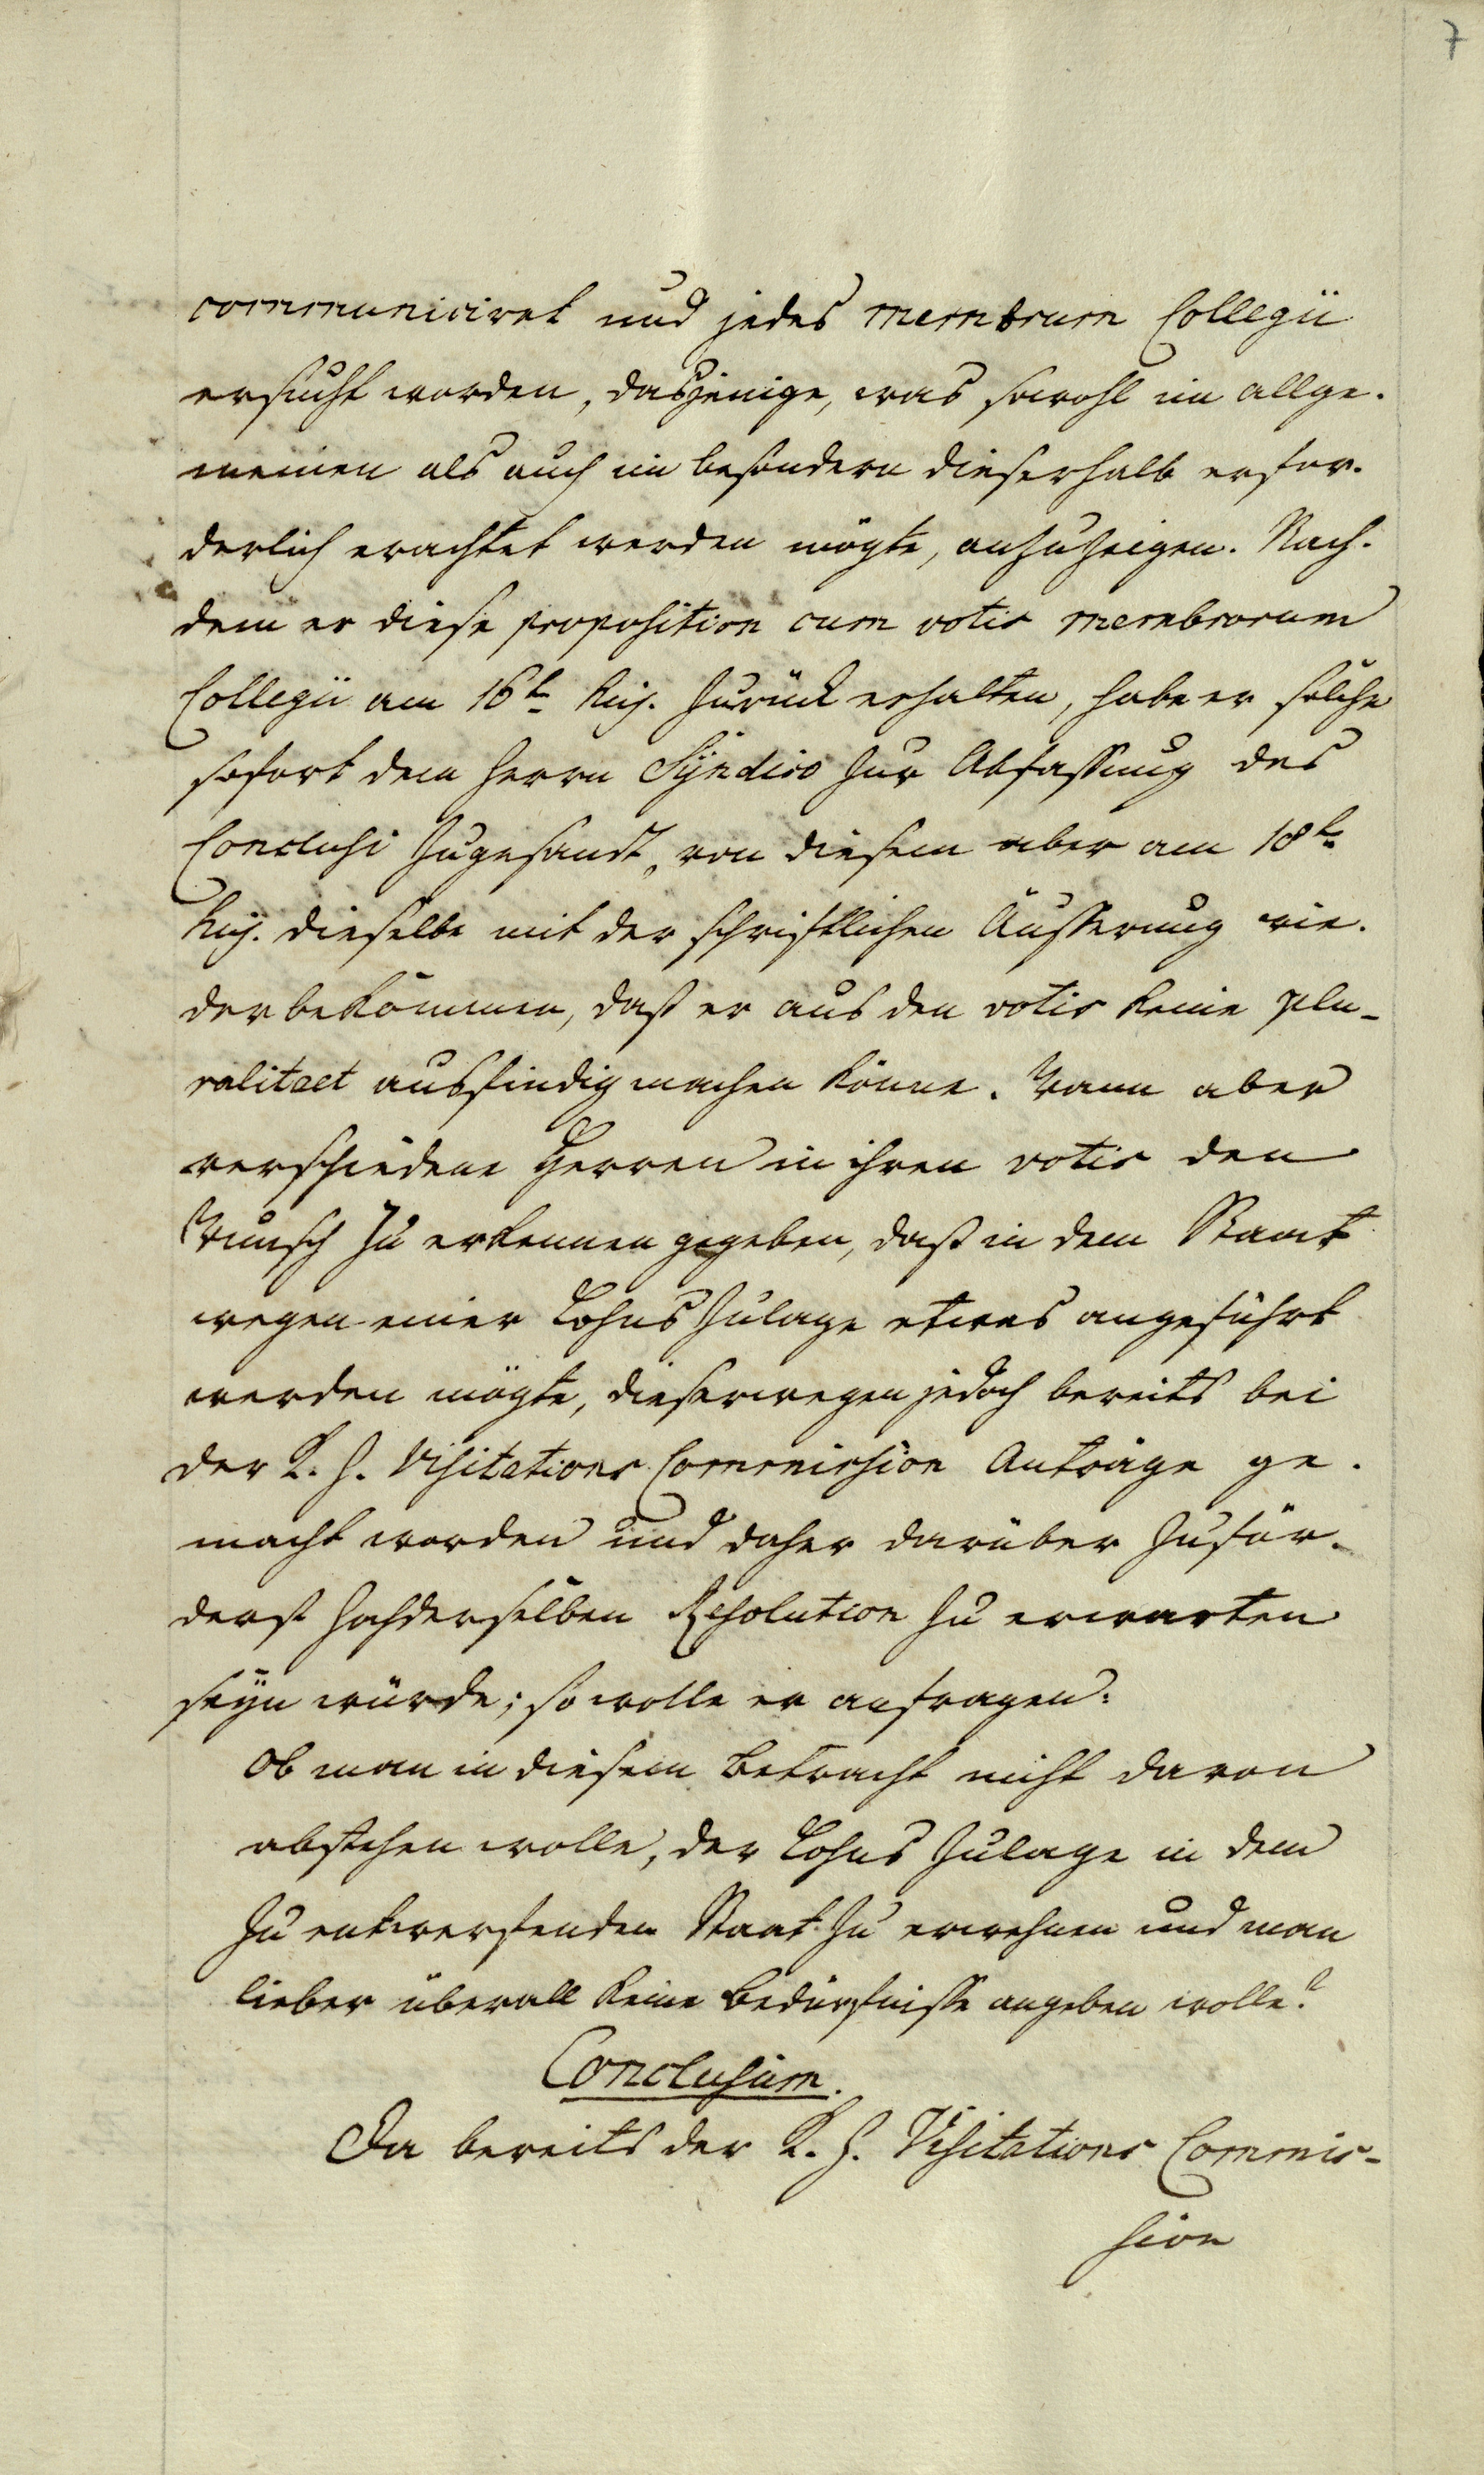communiciret und jedes membrum Collegii
ersucht worden, dasjenige, was sowohl im allge¬
meinen als auch im besondern dieserhalb erfor¬
derlich erachtet werden möchte, aufzuzeigen. Nach¬
dem er diese proposition cum votis membrorum
Collegii am 16t. huj. zurück erhalten, habe er solche
sofort dem Herrn Sÿndico zur Abfassung des
Conclusi zugesandt, von diesem aber am 18t.
huj. dieselbe mit der schriftlichen Äusserung wie¬
derbekommen, daß er aus den votis keine Plu¬
ralitaet ausfindig machen könne. Wann aber
verschiedene Herren in ihren votis den
Wunsch zu erkennen gegeben, daß in dem Staat
wegen einer Lohns Zulage etwas angeführt
werden möchte, dieserwegen jedoch bereits bei
der K. H. Visitations Commission Anträge ge¬
macht worden und daher darüber zuför¬
derst Hochderselben Resolution zu erwarten
seÿn würde; so wolle er anfragen:
Ob man in diesem Betracht nicht davon
abstehen wolle, der Lohns Zulage in dem
zu entwerfenden Staat zu errechnen und man
lieber überall keine Bedürfnisse angeben wolle?
Conclusum.
Da bereits der K. H. Visitations Commis¬
sion